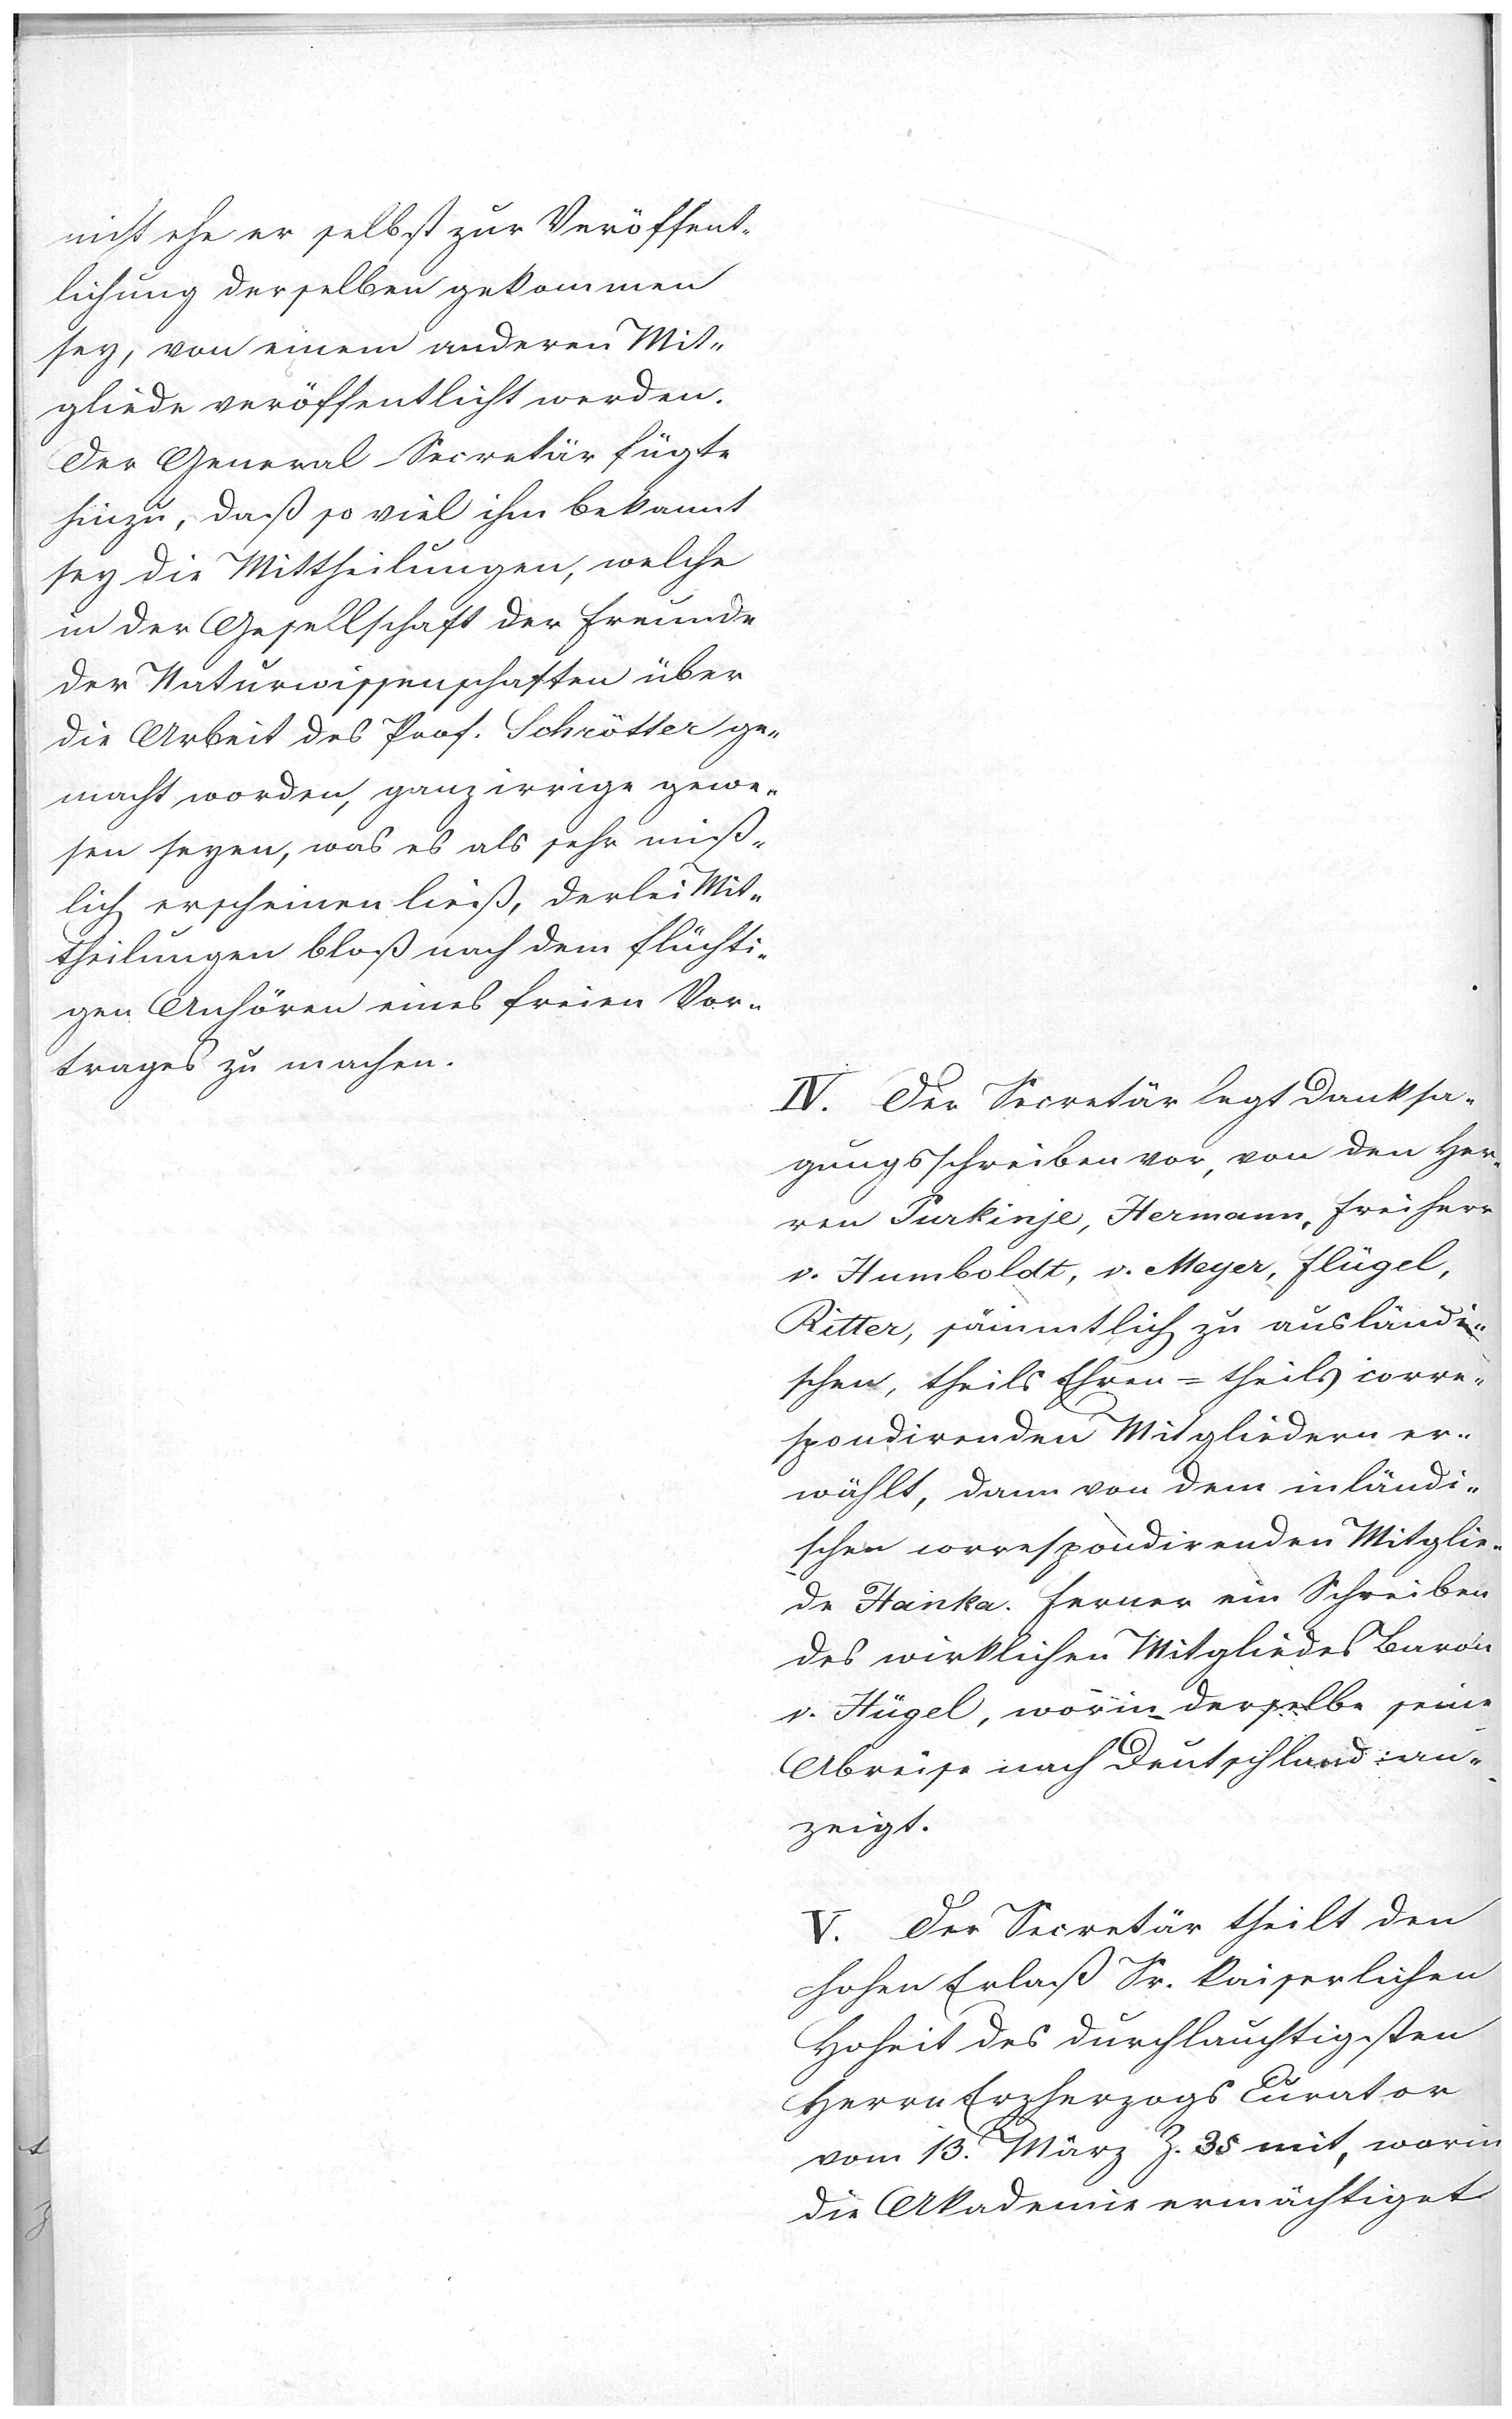nicht ehe er selbst zur Veröffent-
lichung derselben gekommen
sey, von einem anderen Mit-
gliede veröffentlicht werden.
Der General-Secretär fügte
hinzu, daß so viel ihm bekannt
sey die Mittheilungen, welche
und der Gesellschaft der Freunde
der Naturwissenschaften über
die Arbeit des Prof. Schrötter ge-
macht worden ganz irrige gewe-
sen seyen, was es als sehr miß-
lich erscheinen ließ, derlei Mit-
theilungen bloß nach dem flüchti-
gen Anhören eines freien Vor-
trages zu machen.
IV. Der Secretär legt Drucksa-
gungschreiben vor, von den Her-
ren Purkinje, Hermann, Freiherr
v. Humboldt, v. Meyer, Flügel,
Ritter, sämmtlich zu ausländi-
schen, theils Ehren- theils corre-
spondirenden Mitgliedern er-
wählt, dann von dem inländi-
schen correspondirenden Mitglie-
de Hanka. Ferner ein Schreiben
des wirklichen Mitgliederes Baron
v. Hügel, worin derselbe seine
Abreise nach Deutschland an-
zeigt.
V. Der Secretär theilt den
hohen Erlaß Sr. Kaiserlichen
Hoheit des durchlauchtigsten
Herrn Erzherzogs Curator
vom 13. März, Z. 35 mit, worin
die Akademie ermächtiget